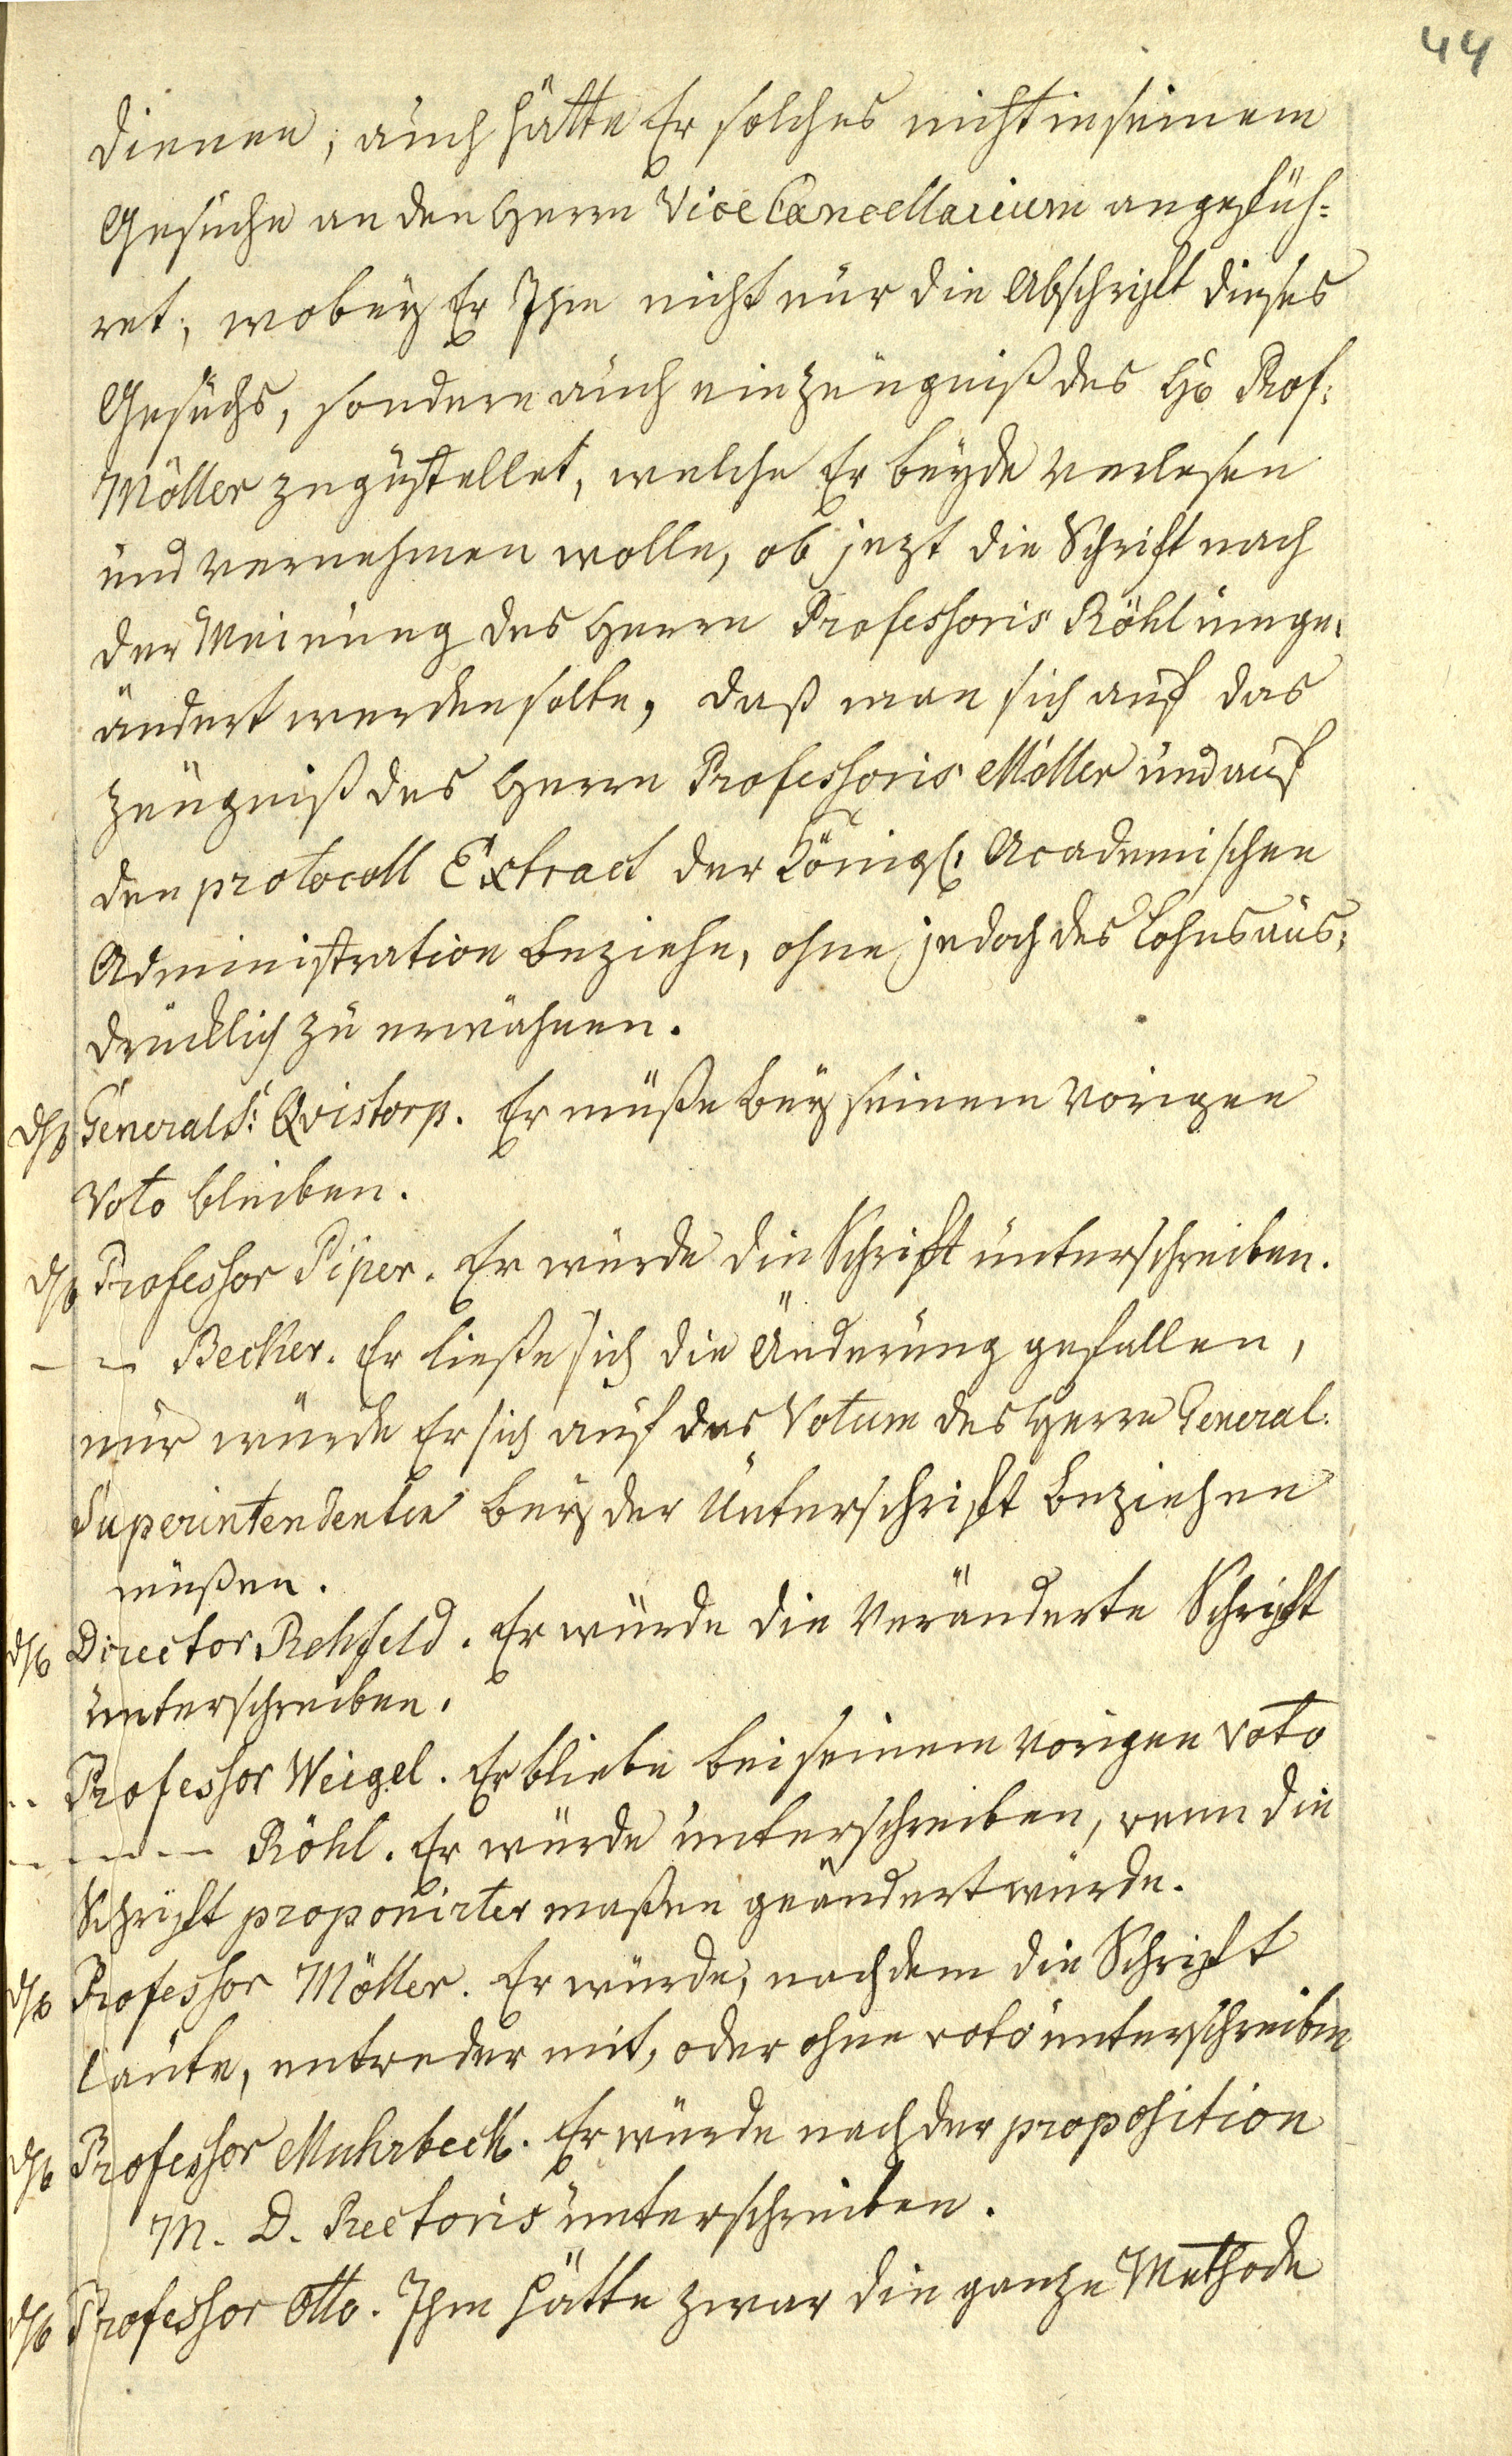dienen, auch hätte Er solches nicht in seinem
Gesuche an den Herrn ViceCancellarium angefüh¬
ret, wobeÿ Er Ihm nicht nur die Abschrift dieses
Gesuchs, sondern auch ein zeugniß des H Prof.
Möller zugestellet, welche Er beÿde verlesen
und vernehmen wolle, ob jezt die Schrift nach
der Meinung des Herrn Professoris Röhl umge¬
ändert werden solte, daß man sich auf das
Zeugniß des Herrn Professoris Möller und auf
den protocoll Extract der Königl. Academischen
Administration beziehe, ohne jedoch des Lohns aus¬
drücklich zu erwähnen.
dh GeneralS. Quistorp. Er müße beÿ seinem vorigen
Voto bleiben.
dh Professor Piper. Er würde die Schrift unterschreiben.
Becker. Er ließe sich die Änderung gefallen,
nur würde Er sich auf das Votum des Herrn General
Superintendenten beÿ der Unterschrift beziehen
müßen.
dh Director Rehfeld. Er würde die veränderte Schrift
unterschreiben,
Professor Weigel. Er bliebe bei seinem vorigen voto
Röhl. Er würde unterschreiben, wenn die
Schrift proponirter maßen geändert würde.
dh Professor Möller. Er würde, nachdem die Schrift
laute, entweder mit, oder ohne voto unterschreiben.
dh. Professor Muhrbeck. Er würde nach der proposition
M. D. Rectoris unterschreiben.
dh. Professor Otto. Ihm hätte zwar die ganze Methode